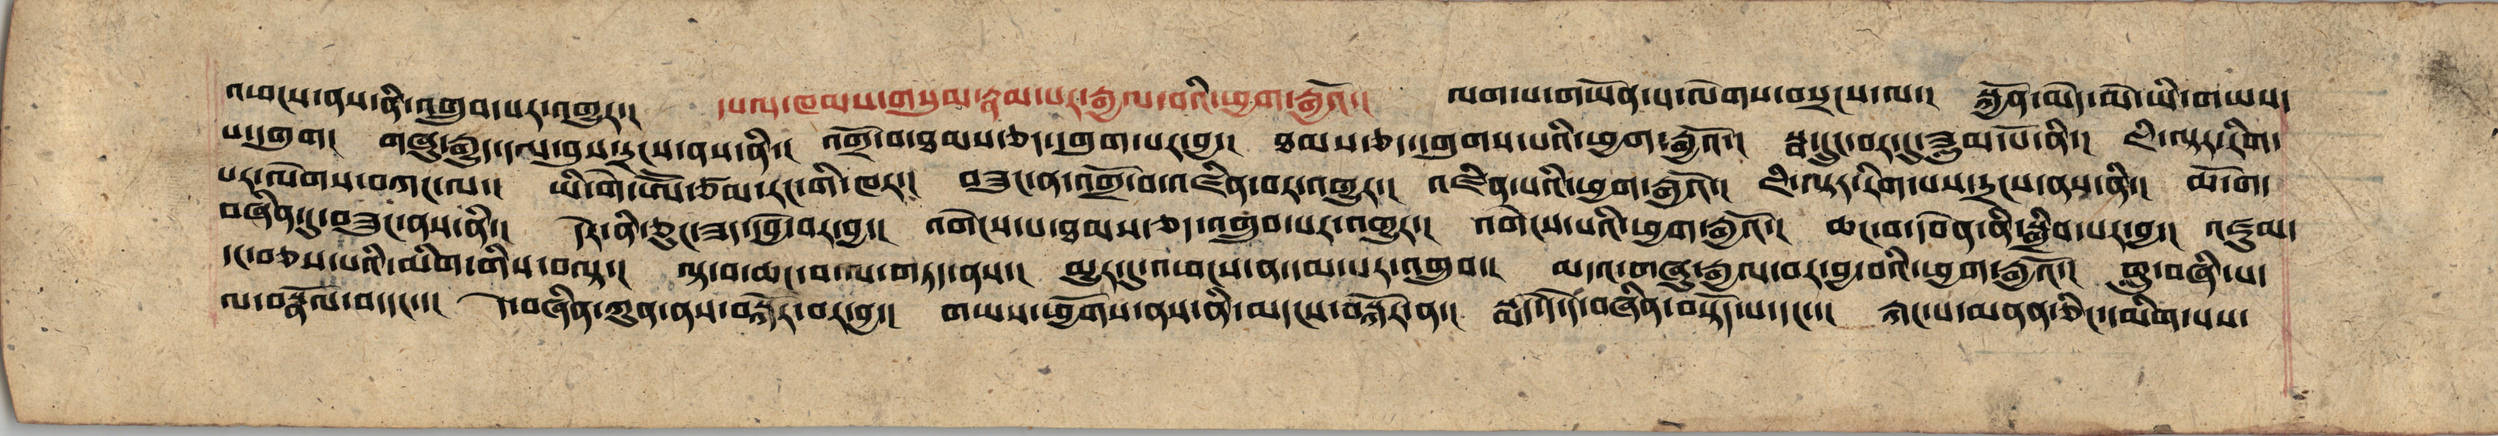འཕངས་ནས་ནི་འགྲུབ་པར་འགྱུར་། དཔལ་ཁམས་གསུམ་རྣམ་པར་རྒྱལ་བའི་ཕྱག་རྒྱའོ་། ལག་པ་གཡོན་པ་ལེགས་བསྲངས་ལ་། སྐྱོན་མེད་མེ་ཡི་གཡས་
པ་དགུག། གཞུ་རྒྱུད་དལ་བུས་དྲངས་ནས་ནི་། འགྲོ་བ་ཐམས་ཅད་དགུག་པར་བྱ་། ཐམས་ཅད་དགུགས་པའི་ཕྱག་རྒྱའོ་། སྦ་དྲུང་བར་དུ་ཟླུམ་པོ་ནི་། ཇི་ལྟར་རིག་
པར་ལེགས་བཀང་ལ་། ཡི་གེ་ཨཽ་ཙམ་རང་གི་ཁར་། བཟུང་ན་འགྲོ་བ་འཛིན་བར་འགྱུར་། འཛིན་པའི་ཕྱག་རྒྱའོ་། ཇི་ལྟར་རིག་པས་དྲངས་ནས་ནི་། མདོག་
བཞིན་དུ་བཟུང་ནས་ནི་། དེར་ནི་ཅུང་ཟད་དབྱེ་བར་བྱ་། འགེངས་པ་ཐམས་ཅད་འགྲུབ་པར་འགྱུར་། འགེངས་པའི་ཕྱག་རྒྱའོ་། ཆང་བ་དབེན་ནི་སྒྲིབ་པར་བྱ་། འཛུམ་
དང་བཅས་པའི་མིག་གིས་བལྟ་། ལྟ་བ་ཆང་བ་ལ་གཏད་ནས་། མྱུར་དུ་འཕངས་ན་དམ་པར་འགྲུབ་། མདའ་གཞུ་རྒྱལ་བར་བྱ་བའི་ཕྱག་རྒྱའོ་། གླུ་བཞི་པ་
ལ་བསྣོལ་བ་དང་་། དེ་བཞིན་ཀུན་ནས་བསྐོར་བར་བྱ་། གཡས་ཕྱོགས་ནས་ནི་མདངས་བསྐོར་ན་། སྨ་དེ་དེ་བཞིན་བསྟོད་པ་དང་་། རྐང་པ་མནན་ཅིང་དམིག་པས་